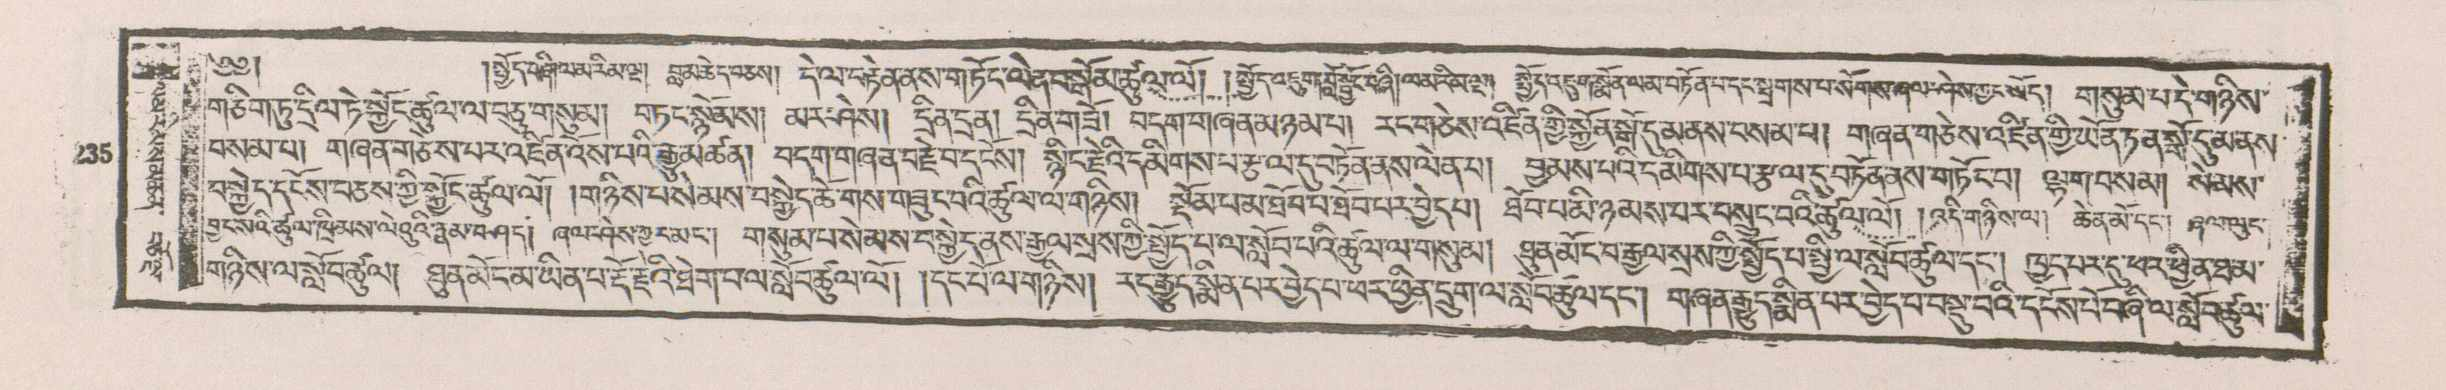༄༅། ། སྦྱོང་བཞི། ལམ་རིམ་ལྔ། བླ་མཆོད་བཅས།  དེ་ལ་བརྟེན་ནས་གཏོང་ལེན་བསྒོམ་ཚུལ་ལོ། ། སྤྱོད་འཇུག །བློ་སྦྱོང་བཞི། ལམ་རིམ་ལྔ། སྤྱོད་འཇུག་སྨོན་ལམ་བཏོན་པ་དང་སྦྲགས་པ་སོགས་ཞལ་ཤེས་ཀྱང་ཡོད།  གསུམ་པ་དེ་གཉིས་
གཅིག་ཏུ་དྲིལ་ཏེ་སྐྱོང་ཚུལ་ལ་བཅུ་གསུམ། བཏང་སྙོམས། མར་ཤེས། དྲིན་དྲན། དྲིན་གཟོ། བདག་གཞན་མཉམ་པ། རང་གཅེས་འཛིན་གྱི་སྐྱོན་སྒོ་དུ་མ་ནས་བསམ་པ། གཞན་གཅེས་འཛིན་གྱི་ཡོན་ཏན་སྒོ་དུ་མ་ནས་
བསམ་པ། གཞན་གཅེས་པར་འཛིན་འོས་པའི་རྒྱུ་མཚན། བདག་གཞན་བརྗེ་བ་དངོས། སྙིང་རྗེའི་དམིགས་པ་རྩལ་དུ་བཏོན་ནས་ལེན་པ། བྱམས་པའི་དམིགས་པ་རྩལ་དུ་བཏོན་ནས་གཏོང་བ། ལྷག་བསམ། སེམས་
བསྐྱེད་དངོས་བཅས་ཀྱི་སྐྱོང་ཚུལ་ལོ། །གཉིས་པ་སེམས་བསྐྱེད་ཆོ་གས་གཟུང་བའི་ཚུལ་ལ་གཉིས། སྡོམ་པ་མ་ཐོབ་པ་ཐོབ་པར་བྱེད་པ། ཐོབ་པ་མི་ཉམས་པར་བསྲུང་བའི་ཚུལ་ལོ། ། འདི་གཉིས་ལ། ཆེན་མོ་དང་། ཞལ་ལུང་།
བྱང་སའི་ཚུལ་ཁྲིམས་ལེའུའི་རྣམ་བཤད། ཞལ་ཤེས་ཀྱང་མང་།  གསུམ་པ་སེམས་བསྐྱེད་ནས་རྒྱལ་སྲས་ཀྱི་སྤྱོད་པ་ལ་སློབ་པའི་ཚུལ་ལ་གསུམ། ཐུན་མོང་བ་རྒྱལ་སྲས་ཀྱི་སྤྱོད་པ་སྤྱི་ལ་སློབ་ཚུལ་དང་། ཁྱད་པར་དུ་ཕར་ཕྱིན་ཐ་མ་
གཉིས་ལ་སློབ་ཚུལ། ཐུན་མོང་མ་ཡིན་པ་རྡོ་རྗེའི་ཐེག་པ་ལ་སློབ་ཚུལ་ལོ། །དང་པོ་ལ་གཉིས། རང་རྒྱུད་སྨིན་པར་བྱེད་པ་ཕར་ཕྱིན་དྲུག་ལ་སློབ་ཚུལ་དང་། གཞན་རྒྱུད་སྨིན་པར་བྱེད་པ་བསྡུ་བའི་དངོས་པོ་བཞི་ལ་སློབ་ཚུལ་